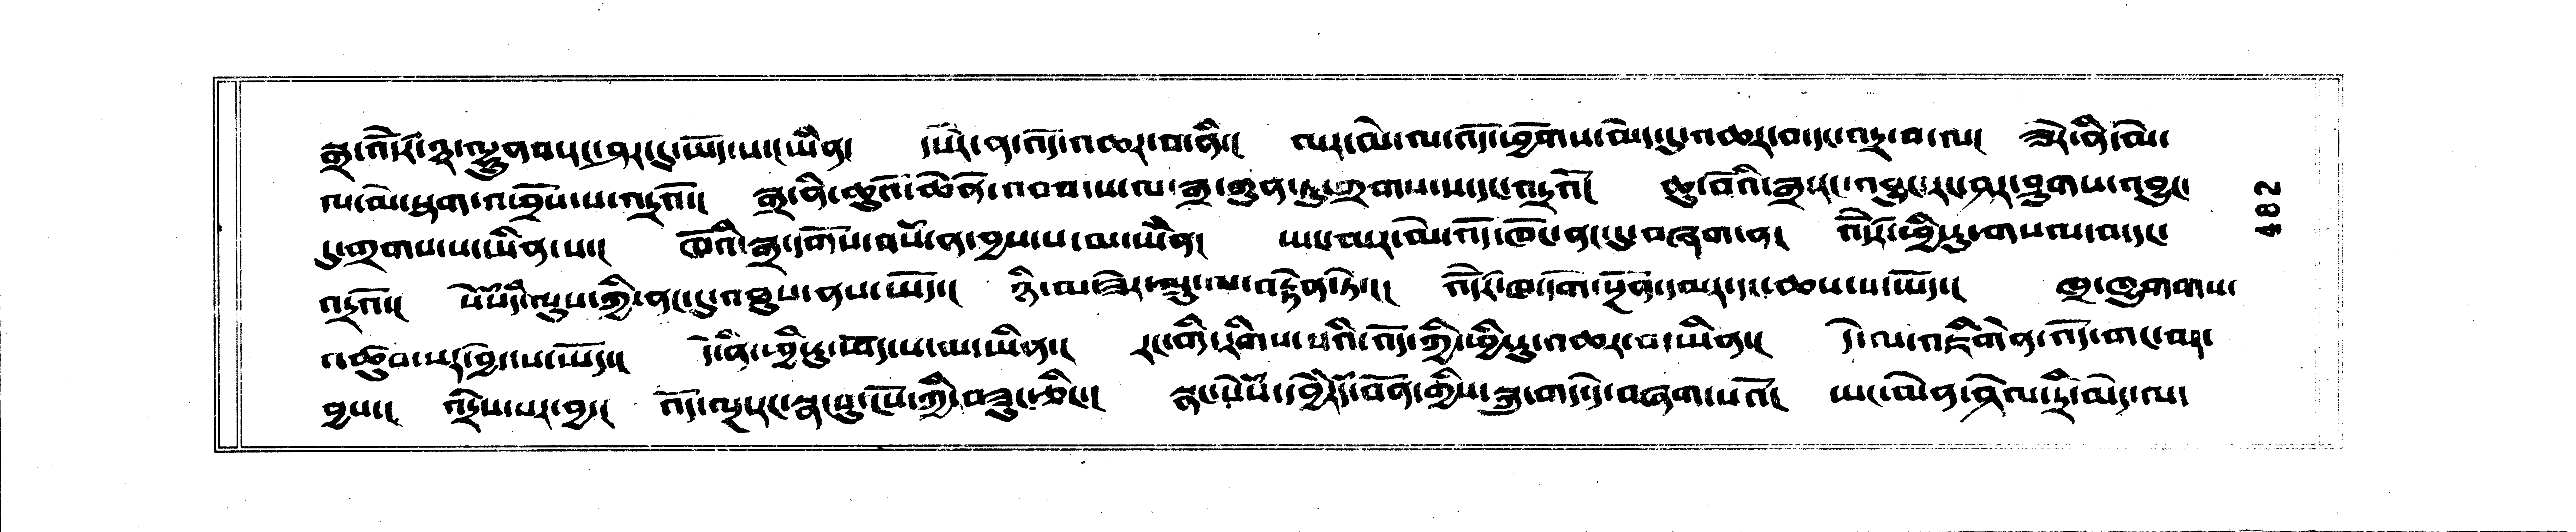སྒྲ་འོད་ཟེར་གསུམ་ལྷུན་གྲུབ་རང་ཤར་དུ་ཡོད་པ་ཡིན། དཔེར་ན་འོད་འཆར་བ་ནི། མར་མེ་ལ་འོད་ཕྱོགས་མེད་དུ་འཆར་བ་དང་འདྲ་ལ། ཟེར་ནི་མེ་
ལ་མེ་སྟག་འཕྲོ་བ་དང་འདྲའོ། སྒྲ་ནི་ཆུ་འོ་ཆེན་པོ་རང་བཞིན་བྷབ་(འབབ)པ་ལ། སྒྲ་ཀུན་དུ་གྲགས་པ་དང་འདྲའོ། ཆུ་བོའི་སྒྲ་རང་འབྱུང་རང་ཤར་ཤུགས་འབྱུང་
དུ་གྲགས་པ་ཡིན་པས། ཁོའི་སྒྲ་དགོས་བསམ་ནས་བྱས་པ་མ་ཡིན། ཡང་མར་མེ་འོད་ཁང་ནང་དུ་བཞགས་ནས་འོད་ཟེར་ཕྱི་རུ་གསལ་བ་དང་
འདྲའོ། སེམས་ཉིད་ལུས་ཀྱིས་ནང་དུ་འཐུམ་ནས་ཡོད་ཀྱང་། ཉི་མའི་ཟེར་ལྟ་བུ་ལ་བརྟེན་ཏེ། འོད་ཟེར་ཁ་དོག་སྔོན་དམར་དང་ཆས་པ། ཁྲ་ཁྱུག་ཁྱུག་
འཚུབ་པར་བྱེད་པ་ཡོད། དེ་ནི་ཕྱིར་རུ་ཡོད་པ་མ་ཡིན། རང་གིས་རིག་པའི་འོད་ཕྱི་རུ་འཆར་བ་ཡིན། དེ་ལ་འཇིག་རྟེན་འདིར་གོམ་པར་
བྱས་ལ་འདྲིས་པར་བྱ། འོད་ལྔ་རང་སྣང་དུ་ངོས་ཀྱིས་བཟུང་ཅིང་། སྣང་སེམས་དབྱེར་མེད་བོན་གྱིས་སྐུ་ཀཻད་ཀེད་བཞག་པའོ། ཡང་མེ་ཤེལ་དྲི་མེད་ལས།